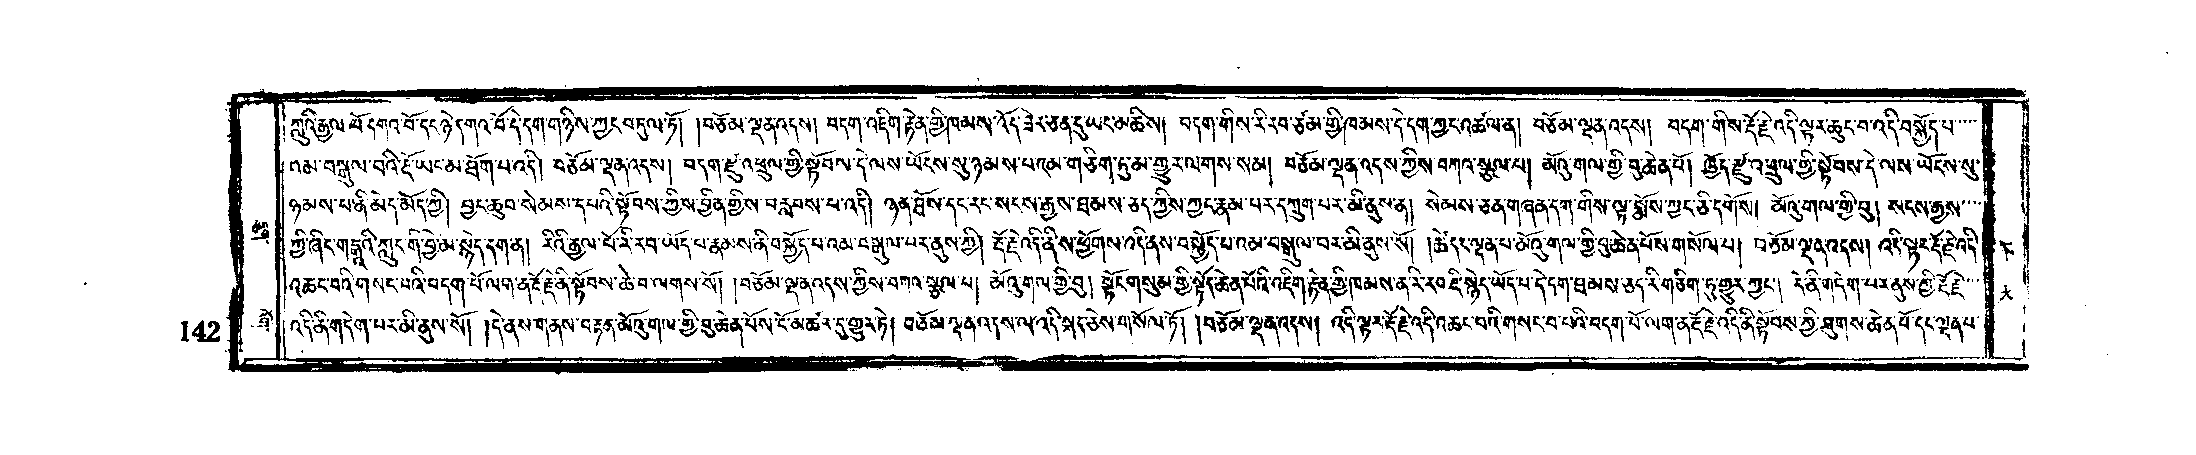ཀླུའི་རྒྱལ་པོ་དགའ་བོ་དང་ཉེ་དགའ་བོ་དེ་དག་གཉིས་ཀྱང་བཏུལ་ཏོ། །བཅོམ་ལྡན་འདས། བདག་འཇིག་རྟེན་གྱི་ཁམས་འོད་ཟེར་ཅན་དུ་ཡང་མཆིས། བདག་གིས་རི་རབ་ཙམ་གྱི་ཁམས་དེ་དག་ཀྱང་འཚལ་ན། བཅོམ་ལྡན་འདས། བདག་གིས་རྡོ་རྗེ་འདི་ལྟར་ཆུང་བ་འདི་བསྐྱོད་པ་
འམ་བསྒུལ་བའི་རྡོ་ཡང་མ་ཐོག་པ་འདི། བཅོམ་ལྡན་འདས། བདག་རྫུ་འཕྲུལ་གྱི་སྟོབས་དེ་ལས་ཡོངས་སུ་ཉམས་པའམ་གཅིག་ཏུ་མ་གྱུར་ལགས་སམ། བཅོམ་ལྡན་འདས་ཀྱིས་བཀའ་སྩལ་པ། མོའུ་གལ་གྱི་བུ་ཆེན་པོ། ཁྱོད་རྫུ་འཕྲུལ་གྱི་སྟོབས་དེ་ལས་ཡོངས་སུ་
ཉམས་པ་ནི་མེད་མོད་ཀྱི། བྱང་ཆུབ་སེམས་དཔའི་སྟོབས་ཀྱིས་བྱིན་གྱིས་བརླབས་པ་འདི། ཉན་ཐོས་དང་རང་སངས་རྒྱས་ཐམས་ཅད་ཀྱིས་ཀྱང་རྣམ་པར་དཀྲུག་པར་མི་ནུས་ན། སེམས་ཅན་གཞན་དག་གིས་ལྟ་སྨོས་ཀྱང་ཅི་དགོས། མོའུ་གལ་གྱི་བུ། སངས་རྒྱས་
ཀྱི་ཞིང་གངྒཱའི་ཀླུང་གི་བྱེ་མ་སྙེད་དག་ན། རིའི་རྒྱལ་པོ་རི་རབ་ཡོད་པ་རྣམས་ནི་བསྐྱོད་པའམ་བསྒུལ་པར་ནུས་ཀྱི། རྡོ་རྗེ་འདི་ནི་ས་ཕྱོགས་འདི་ནས་བསྐྱོད་པ་འམ་བསྒུལ་བར་མི་ནུས་སོ། །ཚེ་དང་ལྡན་པ་མོའུ་གལ་གྱི་བུ་ཆེན་པོས་གསོལ་པ། བཅོམ་ལྡན་འདས། འདི་ལྟར་རྡོ་རྗེ་འདི་
འཆང་བའི་གསང་བའི་བདག་པོ་ལག་ན་རྡོ་རྗེ་ནི་སྟོབས་ཆེ་བ་ལགས་སོ། །བཅོམ་ལྡན་འདས་ཀྱིས་བཀའ་སྩལ་པ། མོའུ་གལ་གྱི་བུ། སྟོང་གསུམ་གྱི་སྟོང་ཆེན་པོའི་འཇིག་རྟེན་གྱི་ཁམས་ན་རི་རབ་ཇི་སྙེད་ཡོད་པ་དེ་དག་ཐམས་ཅད་རི་གཅིག་ཏུ་གྱུར་ཀྱང་། དེ་ནི་གདེག་པར་ནུས་ཀྱི་རྡོ་རྗེ་
འདི་ནི་གདེག་པར་མི་ནུས་སོ། །དེ་ནས་གནས་བརྟན་མོའུ་གལ་གྱི་བུ་ཆེན་པོས་ངོ་མཚར་དུ་གྱུར་ཏེ། བཅོམ་ལྡན་འདས་ལ་འདི་སྐད་ཅེས་གསོལ་ཏོ། །བཅོམ་ལྡན་འདས། འདི་ལྟར་རྡོ་རྗེ་འདི་འཆང་བའི་གསང་བ་པའི་བདག་པོ་ལག་ན་རྡོ་རྗེ་འདི་ནི་སྟོབས་ཀྱི་ཐུགས་ཆེན་པོ་དང་ལྡན་པ་